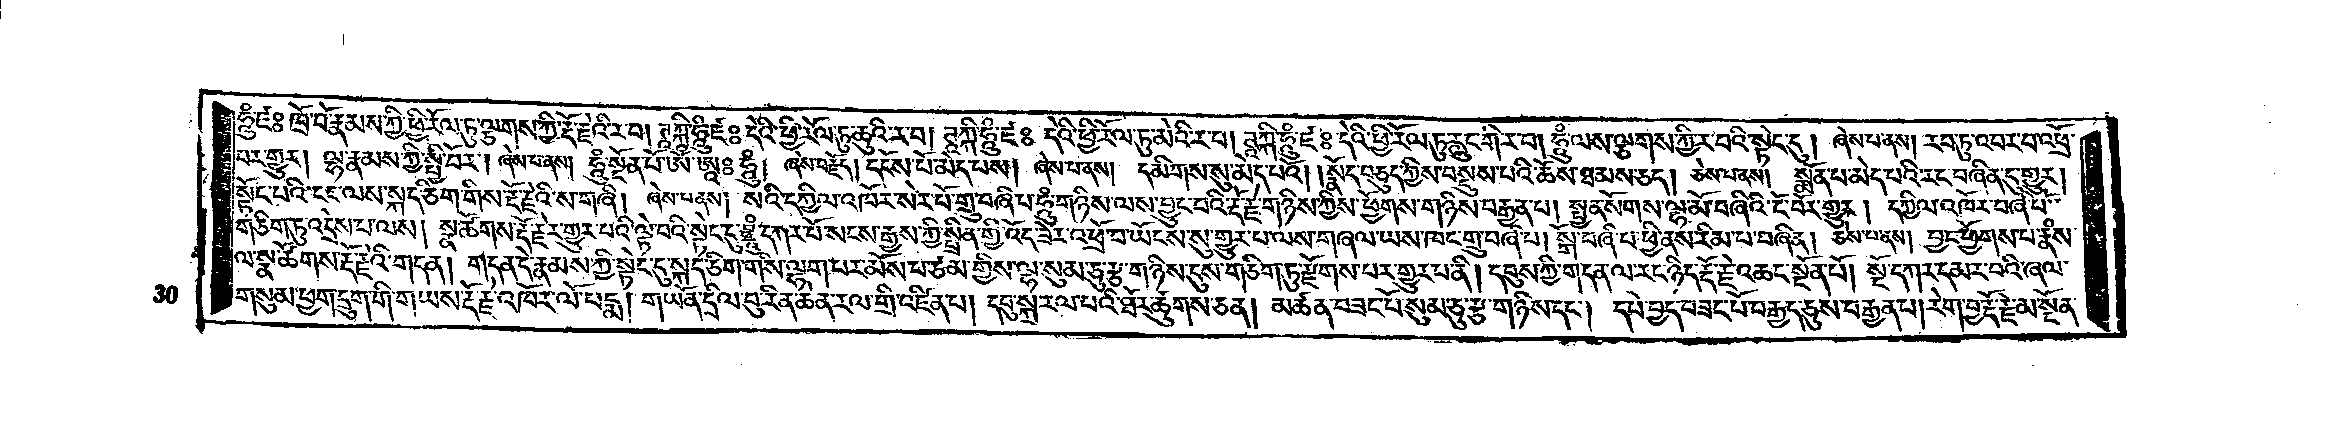ཧཱུཾ་ཛཿ ཁྲོ་བོ་རྣམས་ཀྱི་ཕྱི་རོལ་ཏུ་ལྕགས་ཀྱི་རྡོ་རྗེའི་ར་བ། ཊཱིཀྐ་ཧཱུཾ་ཛཿ དེའི་ཕྱི་རོལ་ཏུ་ཆུའི་ར་བ། ཊཱིཀྐ་ཧཱུཾ་ཛཿ དེའི་ཕྱི་རོལ་ཏུ་མེའི་ར་བ། ཊཱིཀྐ་ཧཱུཾ་ཛཿ དེའི་ཕྱི་རོལ་ཏུ་རླུང་གི་ར་བ། ཧཱུཾ་ལས་ལྕགས་ཀྱི་ར་བའི་སྟེང་དུ། ཞེས་པ་ནས།  རབ་ཏུ་འབར་བ་འཕྲོ་
བར་གྱུར། ལྷ་རྣམས་ཀྱི་སྤྱི་བོར། ཞེས་པ་ནས།  ཧཱུཾ་སྔོན་པོ་ཨོཾ་ཨཱཿ ཧཱུཾ། ཞེས་བརྗོད།  དངོས་པོ་མེད་པས། ཞེས་པ་ནས།  དམིགས་སུ་མེད་པའོ། །སྣོད་བཅུད་ཀྱིས་བསྡུས་པའི་ཆོས་ཐམས་ཅད། ཅེས་པ་ནས།  སྨོན་པ་མེད་པའི་རང་བཞིན་དུ་གྱུར།
སྟོང་པའི་ངང་ལས་སྐད་ཅིག་གིས་རྡོ་རྗེའི་ས་གཞི། ཞེས་པ་ནས།  སའི་དཀྱིལ་འཁོར་སེར་པོ་གྲུ་བཞི་པ་ཧཱུཾ་གཉིས་ལས་བྱུང་བའི་རྡོ་རྗེ་གཉིས་ཀྱིས་ཕྱོགས་གཉིས་བརྒྱན་པ། སྤྱན་སོགས་ལྷ་མོ་བཞིའི་ངོ་བོར་གྱུར། དཀྱིལ་འཁོར་བཞི་པོ་
གཅིག་ཏུ་འདྲེས་པ་ལས། སྣ་ཚོགས་རྡོ་རྗེར་གྱུར་པའི་ལྟེ་བའི་སྟེང་དུ་བྷྲཱུཾ་དཀར་པོ་སངས་རྒྱས་ཀྱི་སྤྲིན་གྱི་འོད་ཟེར་འཕྲོ་བ་ཡོངས་སུ་གྱུར་པ་ལས་གཞལ་ཡས་ཁང་གྲུ་བཞི་པ། སྒོ་བཞི་པ་ཕྱི་ནས་རིམ་པ་བཞིན། ཅེས་པ་ནས།  བྱང་ཕྱོགས་པ་རྣམས་
ལ་སྣ་ཚོགས་རྡོ་རྗེའི་གདན། གདན་དེ་རྣམས་ཀྱི་སྟེང་དུ་སྐད་ཅིག་གིས་ལྷག་པར་མོས་པ་ཙམ་གྱིས་ལྷ་སུམ་ཅུ་རྩ་གཉིས་དུས་གཅིག་ཏུ་རྫོགས་པར་གྱུར་པ་ནི། དབུས་ཀྱི་གདན་ལ་རང་ཉིད་རྡོ་རྗེ་འཆང་སྔོན་པོ། སྔོ་དཀར་དམར་བའི་ཞལ་
གསུམ་ཕྱག་དྲུག་གི་གཡས་རྡོ་རྗེ་འཁོར་ལོ་པདམ། གཡོན་དྲིལ་བུ་རིན་ཆེན་རལ་གྲི་འཛིན་པ། དབུ་སྐྲ་རལ་པའི་ཐོར་ཚུགས་ཅན། མཚན་བཟང་པོ་སུམ་ཅུ་རྩ་གཉིས་དང་། དཔེ་བྱད་བཟང་པོ་བརྒྱད་ཅུས་བརྒྱན་པ། རེག་བྱ་རྡོ་རྗེ་མ་སྔོན་